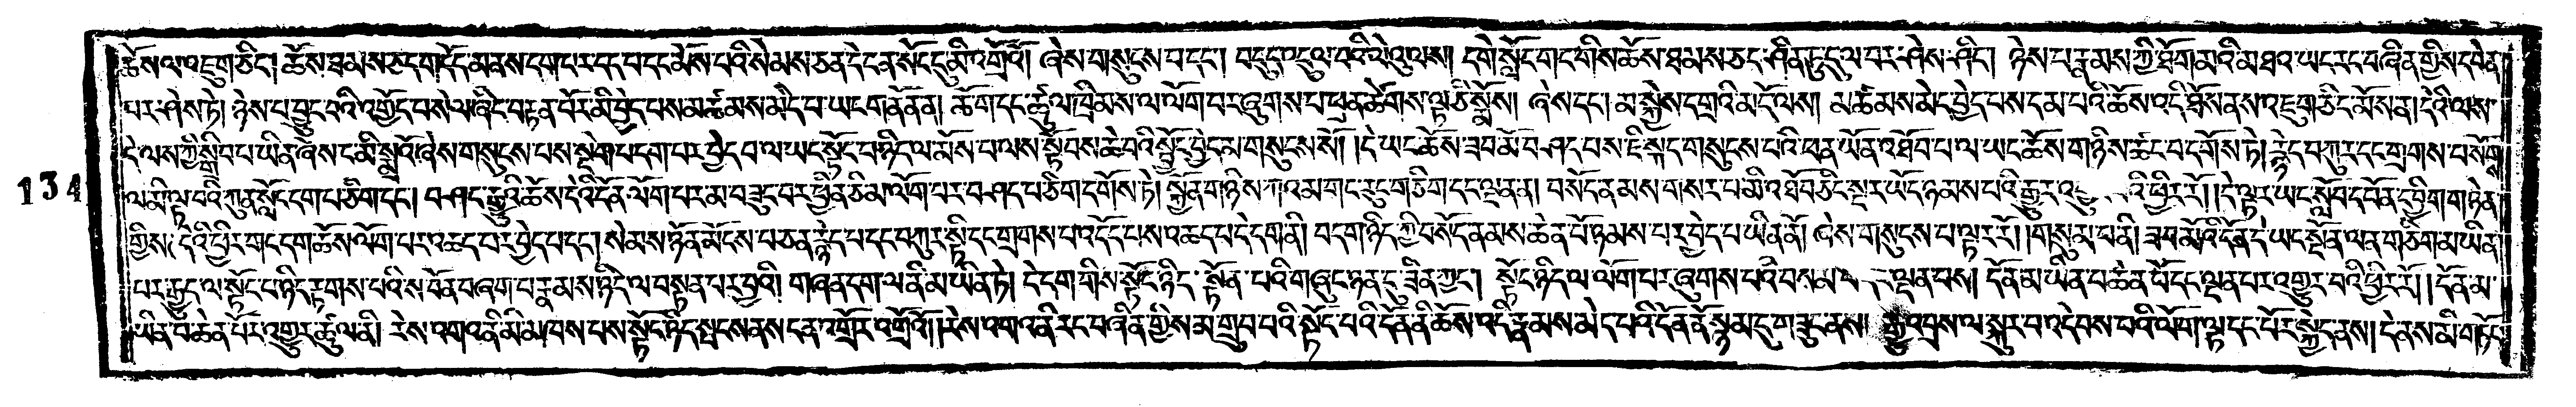ཆོས་ལ་འཇུག་ཅིང་། ཆོས་ཐམས་ཅད་གདོད་མ་ནས་དག་པར་དད་པ་དང་མོས་པའི་སེམས་ཅན་དེ་ངན་སོང་དུ་མི་འགྲོའོ། ཞེས་གསུངས་པ་དང་། བདུད་འདུལ་བའི་ལེའུ་ལས། དགེ་སློང་གང་གིས་ཆོས་ཐམས་ཅད་ཤིན་ཏུ་དུ་ལ་བར་ཤེས་ཤིང་། ཉེས་པ་རྣམས་ཀྱི་ཐོག་མའི་མཐའ་ཡང་རང་བཞིན་གྱིས་དབེན་
པར་ཤེས་ཏེ། ཉེས་པ་བྱུང་བའི་འགྱོད་བསེལ་ཞིང་བརྟན་པོར་མི་བྱེད་པས་མཚམས་མེད་པ་ཡང་གནོན་ན། ཆོ་ག་དང་ཚུལ་ཁྲིམས་ལ་ལོག་བར་ཞུགས་པ་ཕྲན་ཚོགས་ལྟ་ཅི་སྨོས། ཞེས་དང་། མ་སྐྱེས་དགྲའི་མདོ་ལས། མཚམས་མེད་བྱེད་པས་དམ་པའི་ཆོས་འདི་ཐོས་ནས་འཇུག་ཅིང་མོས་ན། དེའི་ལས་
དེ་ལས་ཀྱི་སྒྲིབ་པ་ཡིན་ཞེས་ང་མི་སྨྲའོ་ཞེས་གསུངས་པས་སྡེག་པ་དག་པར་བྱེད་པ་ལ་ཡང་སྟོང་པ་ཉིད་ལ་མོས་པ་ལས་སྟོབས་ཆེ་བའི་སྦྱོང་བྱེད་མ་གསུངས་སོ། །དེ་ཡང་ཆོས་ཟབ་མོ་བཤད་པས་ཇི་སྐད་གསུངས་པའི་ཕན་ཡོན་འཐོབ་པ་ལ་ཡང་ཆོས་གཉིས་ཚང་བ་དགོས་ཏེ། རྙེད་བཀུར་དང་གྲགས་པ་སོགས་
ལ་མི་ལྟ་བའི་ཀུན་སློང་དག་པ་ཅིག་དང་། བཤད་རྒྱུའི་ཆོས་དེའི་དོན་ལོག་པར་མ་བཟུང་བར་ཕྱིན་ཅི་མ་ལོག་པར་བཤད་པ་ཅིག་དགོས་ཏེ། སྐྱོན་གཉིས་ཀའམ་གང་རུང་གཅིག་དང་ལྡན་ན། བསོད་ནམས་གསར་བ་མི་འཐོབ་ཅིང་སྔར་ཡོད་ཉམས་པའི་རྒྱུར་འགྱུར་བའི་ཕྱིར་རོ། །དེ་ལྟར་ཡང་སློབ་དཔོན་དབྱིག་གཉེན་
གྱིས༑ དེའི་ཕྱིར་གང་དག་ཆོས་ལོག་པར་འཆད་པར་བྱེད་པ་དང་། སེམས་ཉོན་མོངས་པ་ཅན་རྙེད་པ་དང་བཀུར་སྟི་དང་གྲགས་པ་འདོད་པས་འཆད་པ་དེ་དག་ནི། བདག་ཉིད་ཀྱི་བསོད་ནམས་ཆེན་པོ་ཉམས་པར་བྱེད་པ་ཡིན་ནོ། ཞེས་གསུངས་པ་ལྟར་རོ། །གསུམ་པ་ནི། ཟབ་མོའི་དོན་དེ་ཡང་སྔོན་ལན་གཅིག་མ་ཡིན་
པར་རྒྱུད་ལ་སྟོང་པ་ཉིད་རྟགས་པའི་ས་བོན་བཞག་པ་རྣམས་ཉིད་ལ་བསྟན་པར་བྱའི། གཞན་དག་ལ་ནི་མ་ཡིན་ཏེ། དེ་དག་གིས་སྟོང་ཉིད་སྟོན་པའི་གཞུང་ཉན་དུ་ཟིན་ཀྱང་། སྟོང་ཉིད་ལ་ལོག་པར་ཞུགས་པའི་བསམ་པ་དང་ལྡན་པས། དོན་མ་ཡིན་པ་ཆེན་པོ་དང་ལྡན་པར་འགྱུར་བའི་ཕྱིར་རོ། །དོན་མ་
ཡིན་པ་ཆེན་པོར་འགྱུར་ཚུལ་ནི། རེས་འགའ་ནི་མི་མཁས་པས་སྟོང་ཉིད་སྤངས་ནས་ངན་འགྲོར་འགྲོའོ། །རེས་འགའ་ནི་རང་བཞིན་གྱིས་མ་གྲུབ་པའི་སྟོང་པའི་དོན་ནི་ཆོས་འདི་རྣམས་མེད་པའི་དོན་ནོ་སྙམ་དུ་གཟུང་ནས། རྒྱུ་འབྲས་ལ་སྐུར་བ་འདེབས་པའི་ལོག་ལྟ་དང་པོར་སྐྱེད་ནས། དེ་ནས་མི་གཏོད་